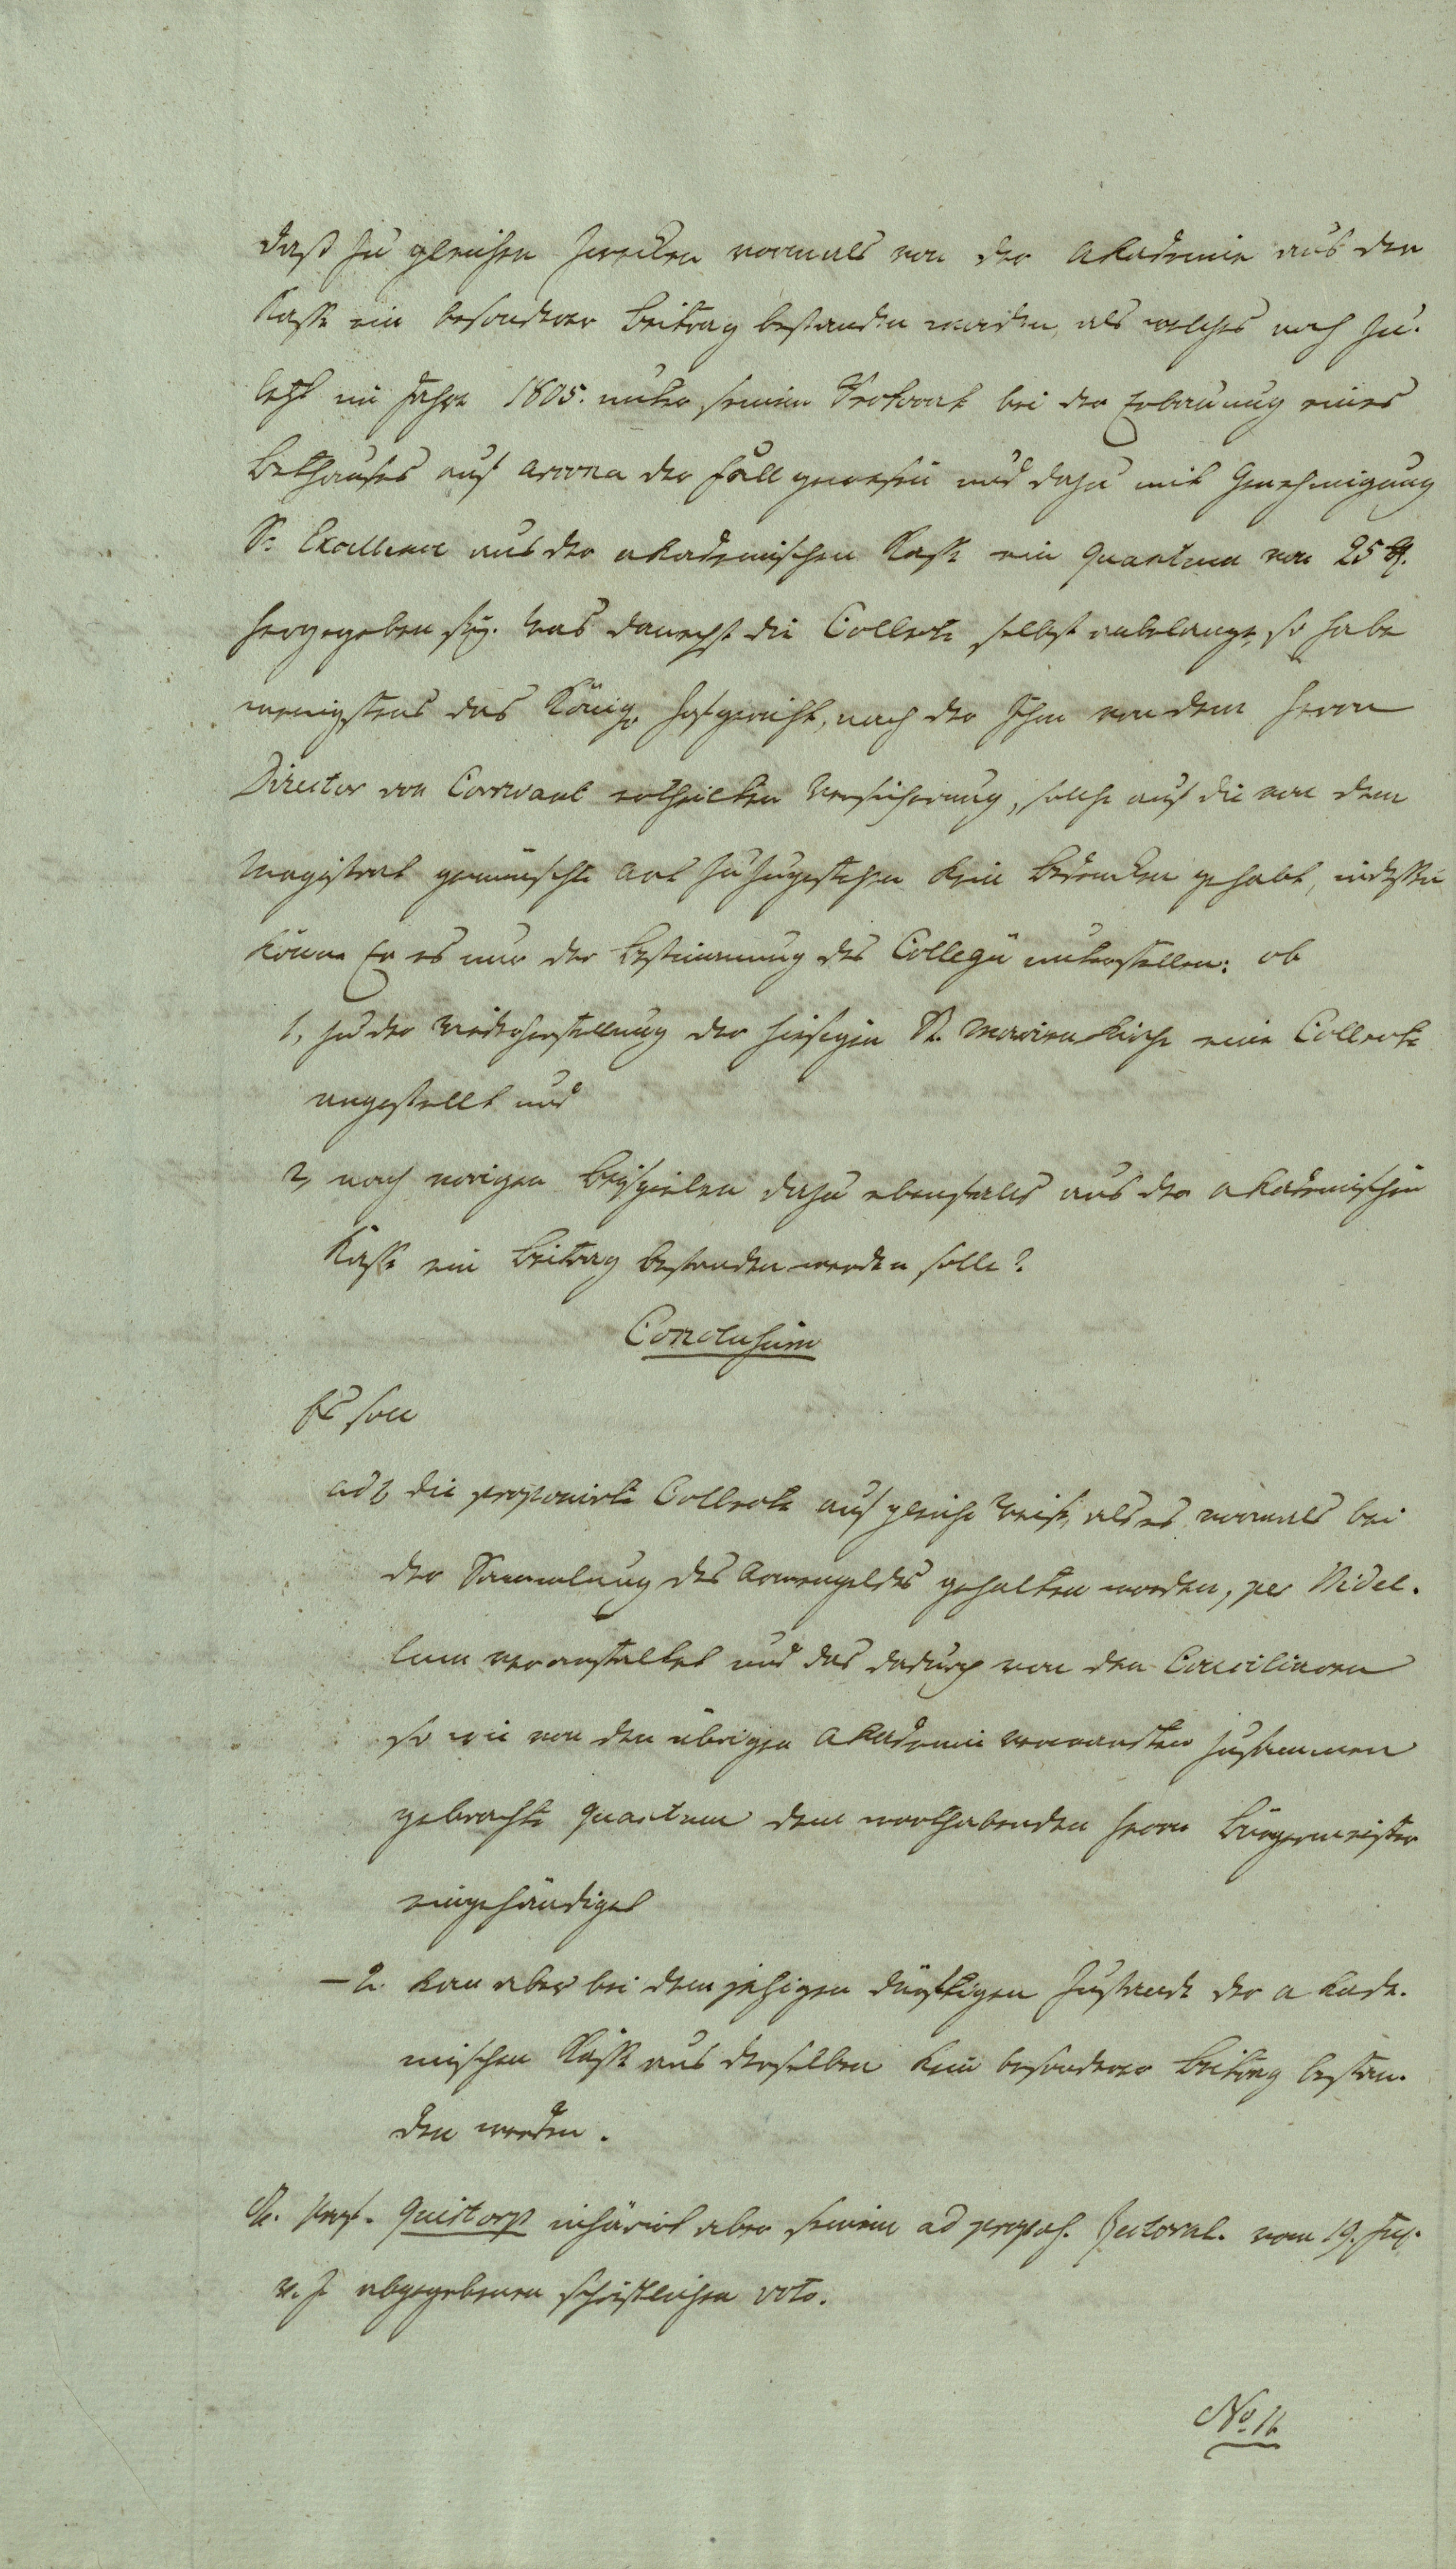daß zu gleichen Zwecken vormals von der Akademie aus der
Kasse ein besonderer Beitrag bestanden worden, als welcher noch zu¬
letzt im Jahre 1805. unter seinem Rectorat bei der Erbauung eines
Bethauses auf Arcona der Fall gewesen und dazu mit Genehmigung
Sr. Excellence aus der akademischen Kasse ein Quantum von 25 Rt.
hergegeben seÿ. Was danechst die Collecte selbst anbelange, so habe
wenigstens das Königl. Hofgericht, nach der Ihm von dem Herrn
Director von Corswant ertheilten Versicherung, solche auf die von dem
Magistrat gewünschte Art zuzugestehen kein Bedencken gehabt, indessen
könne Er es nur der Bestimmung des Collegii unterstellen, ob
1, zu der Wiederherstellung der hiesigen St. Marienkirche eine Collecte
angestellt und
2, nach vorigen Beispielen dazu ebenfalls aus der akademischen
Kasse ein Beitrag bestanden werden solle?
Conclusum
Es soll
ad 1, die proponirte Collecte auf gleiche Weise, als es vormals bei
der Sammlung des Armengeldes gehalten worden, per Nidel¬
lum veranstaltet und das dadurch von den Conciliaren
so wie von den übrigen Akademie verwandten zusammen
gebrachte Quantum dem worthabenden Herrn Bürgermeister
eingehändiget
2, kan aber bei dem jetzigen dürftigen Zustande der akade¬
mischen Kasse aus derselben kein besonderer Beitrag bestan¬
den werden.
M. D. Prof. Quistorp inhärirt aber seinem ad propos. Rectorat. vom 19. Jul.
v. J. abgegebenen schriftlichen voto.
Nº 11.